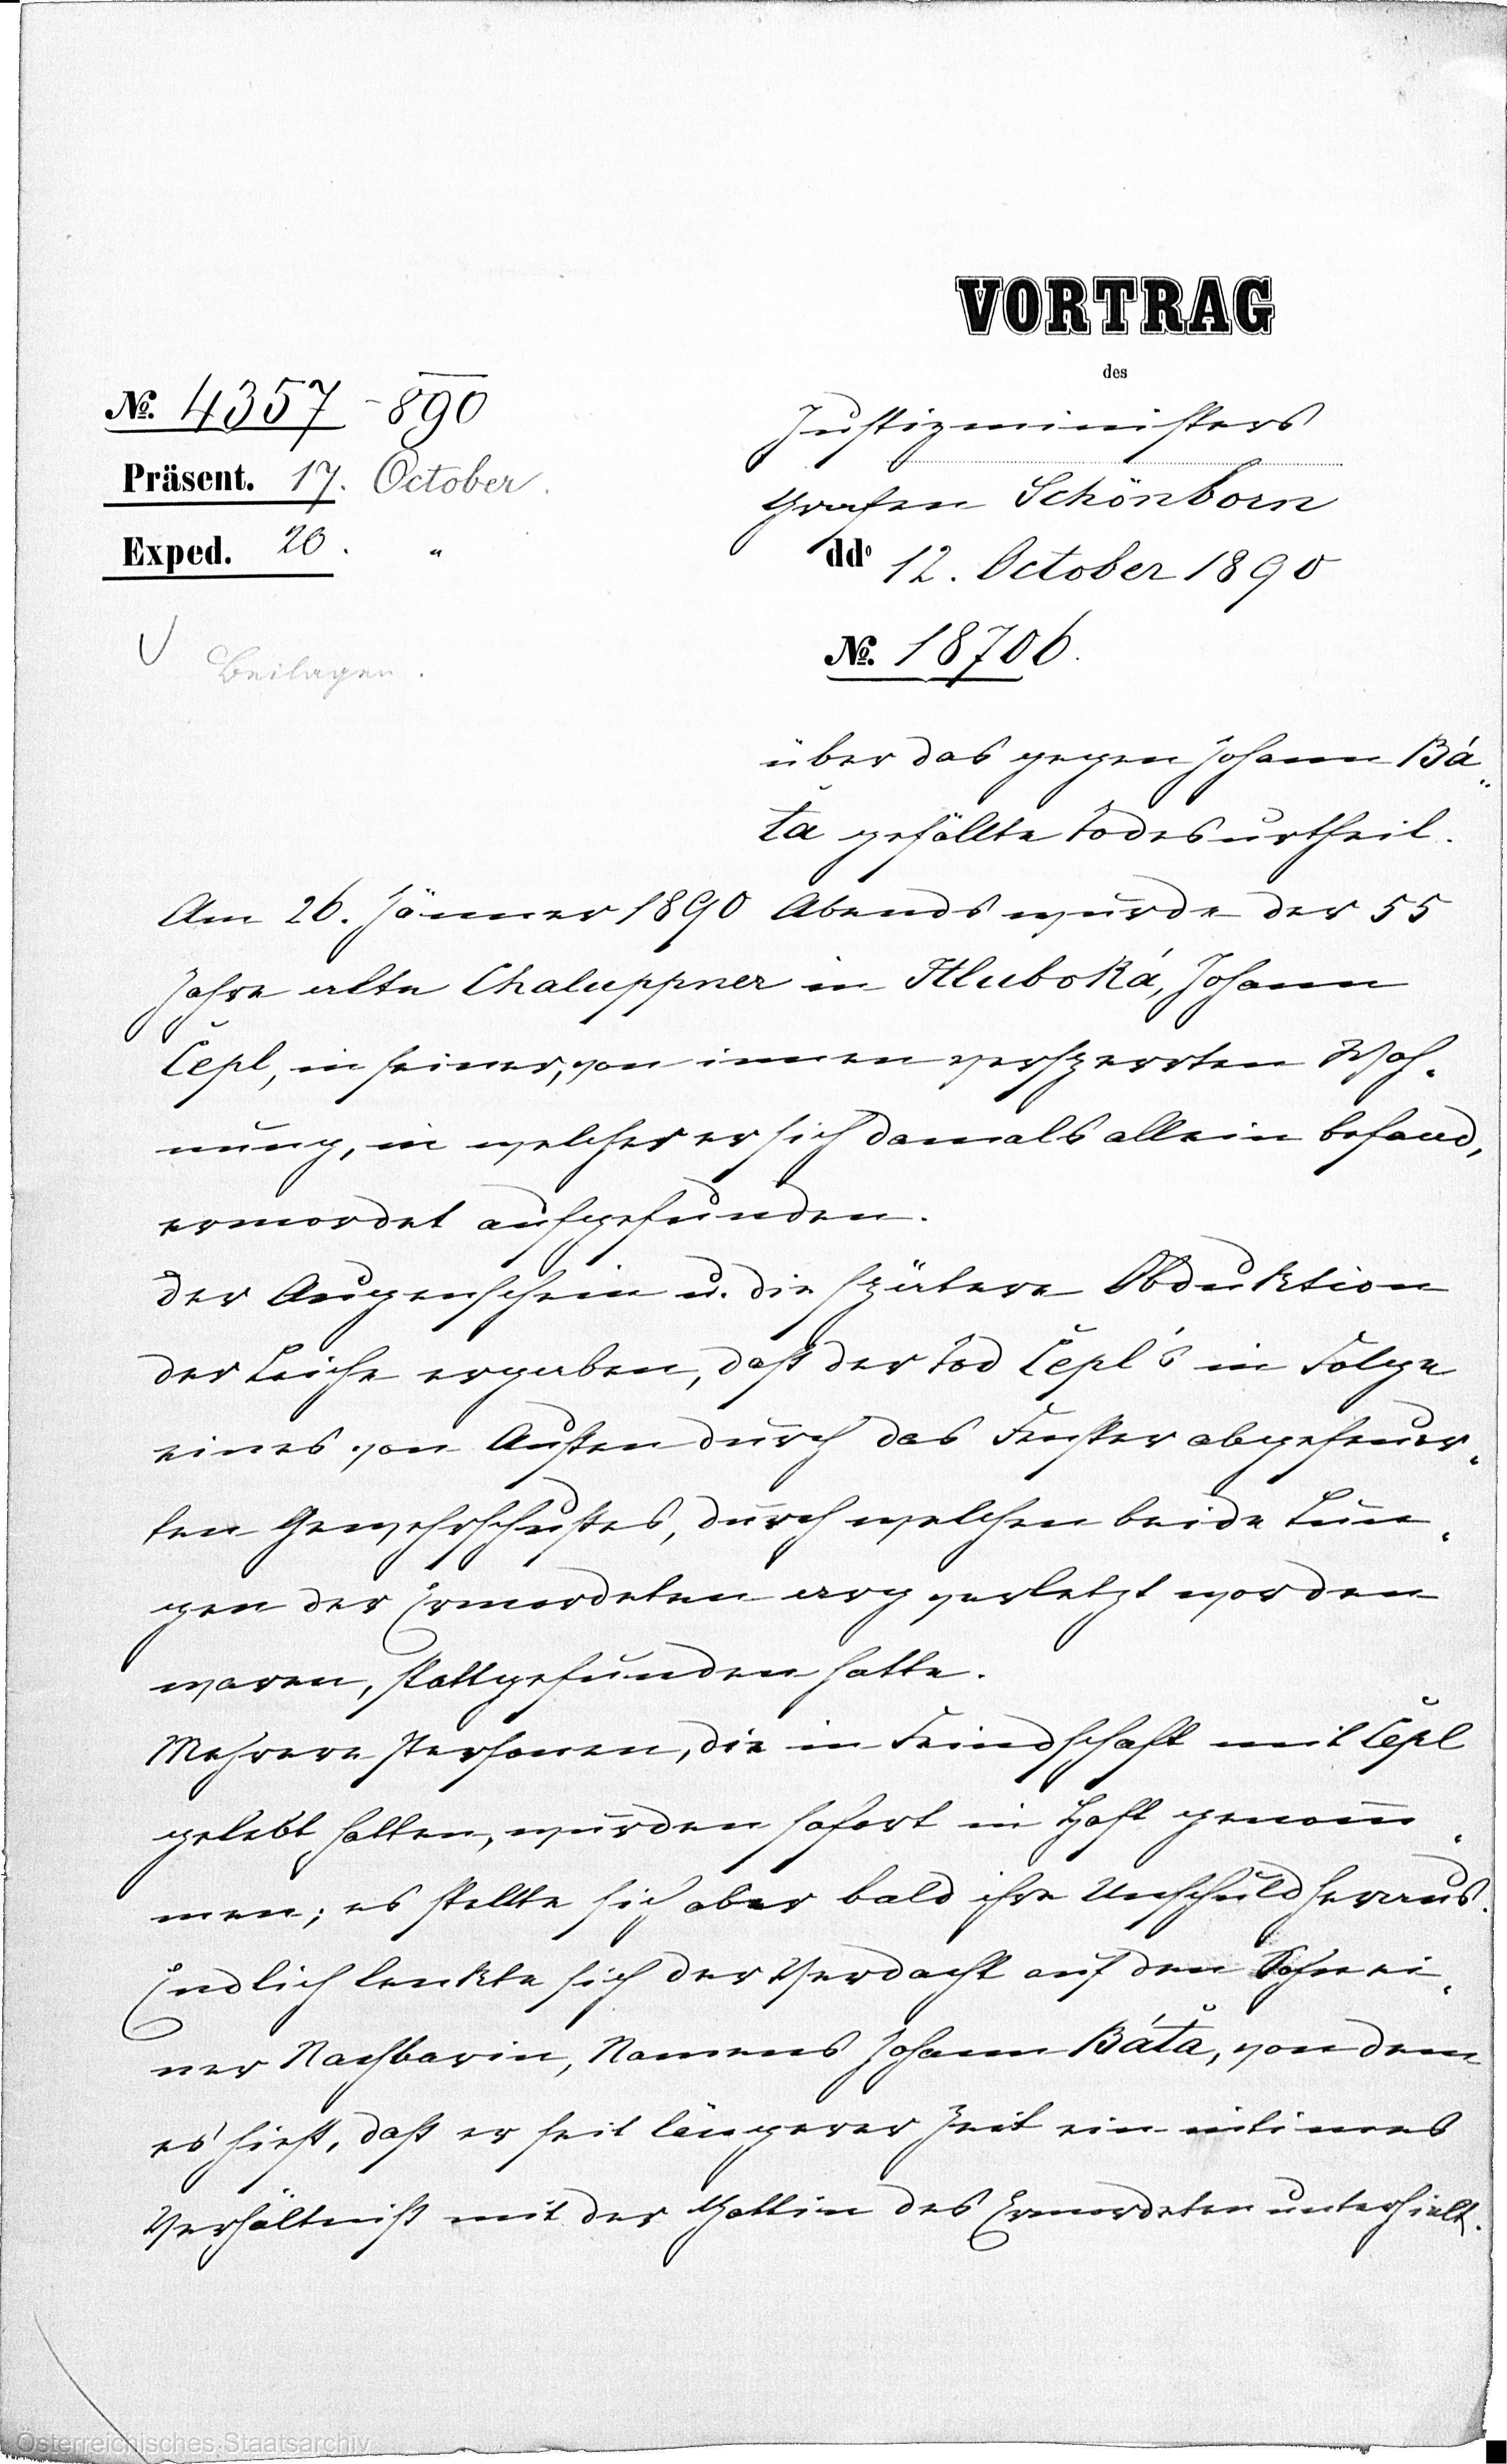No. 4357 - 890
Präsent. 17. October.
Exped. 20. October.
Beilagen.
Vortrag
des
Justizministers
Grafen Schönborn
ddo 12. October 1890
No. 18706.
über das gegen Johann Bá¬
ta gefällte Todesurtheil.
Am 26. Jänner 1890 Abends wurde der 55
Jahre alte Chaluppner in Hluboká, Johann
Čepl, in seiner, von innen versperrten Woh¬
nung, in welcherer sich damals allein befand,
ermordet aufgefunden.
Der Augenschein u. die spätere Obduktion
der Leiche ergaben, daß der Tod Čepl's in Folge
eines von Außen durch das Fenster abgefeuer¬
ten Gewehrschusses, durch welchen beide Lun¬
gen der Ermordeten arg verletzt worden
waren, stattgefunden hatte.
Mehrere Personen, die in Feindschaft mit Čepl
gelebt halte, wurden fahrt in Haft genomm¬
men; es stellte sich ober bald ihre Unschuld heraus.
Endlich lenkte sich der Verdacht auf den Sohn ei¬
ner Nachbarin, Namens Johann Báta, von dem
es hieß, daß er seit längerer Zeit ein -xx
Verhältniß mit der Gattin des Ermordeten unterhielt.